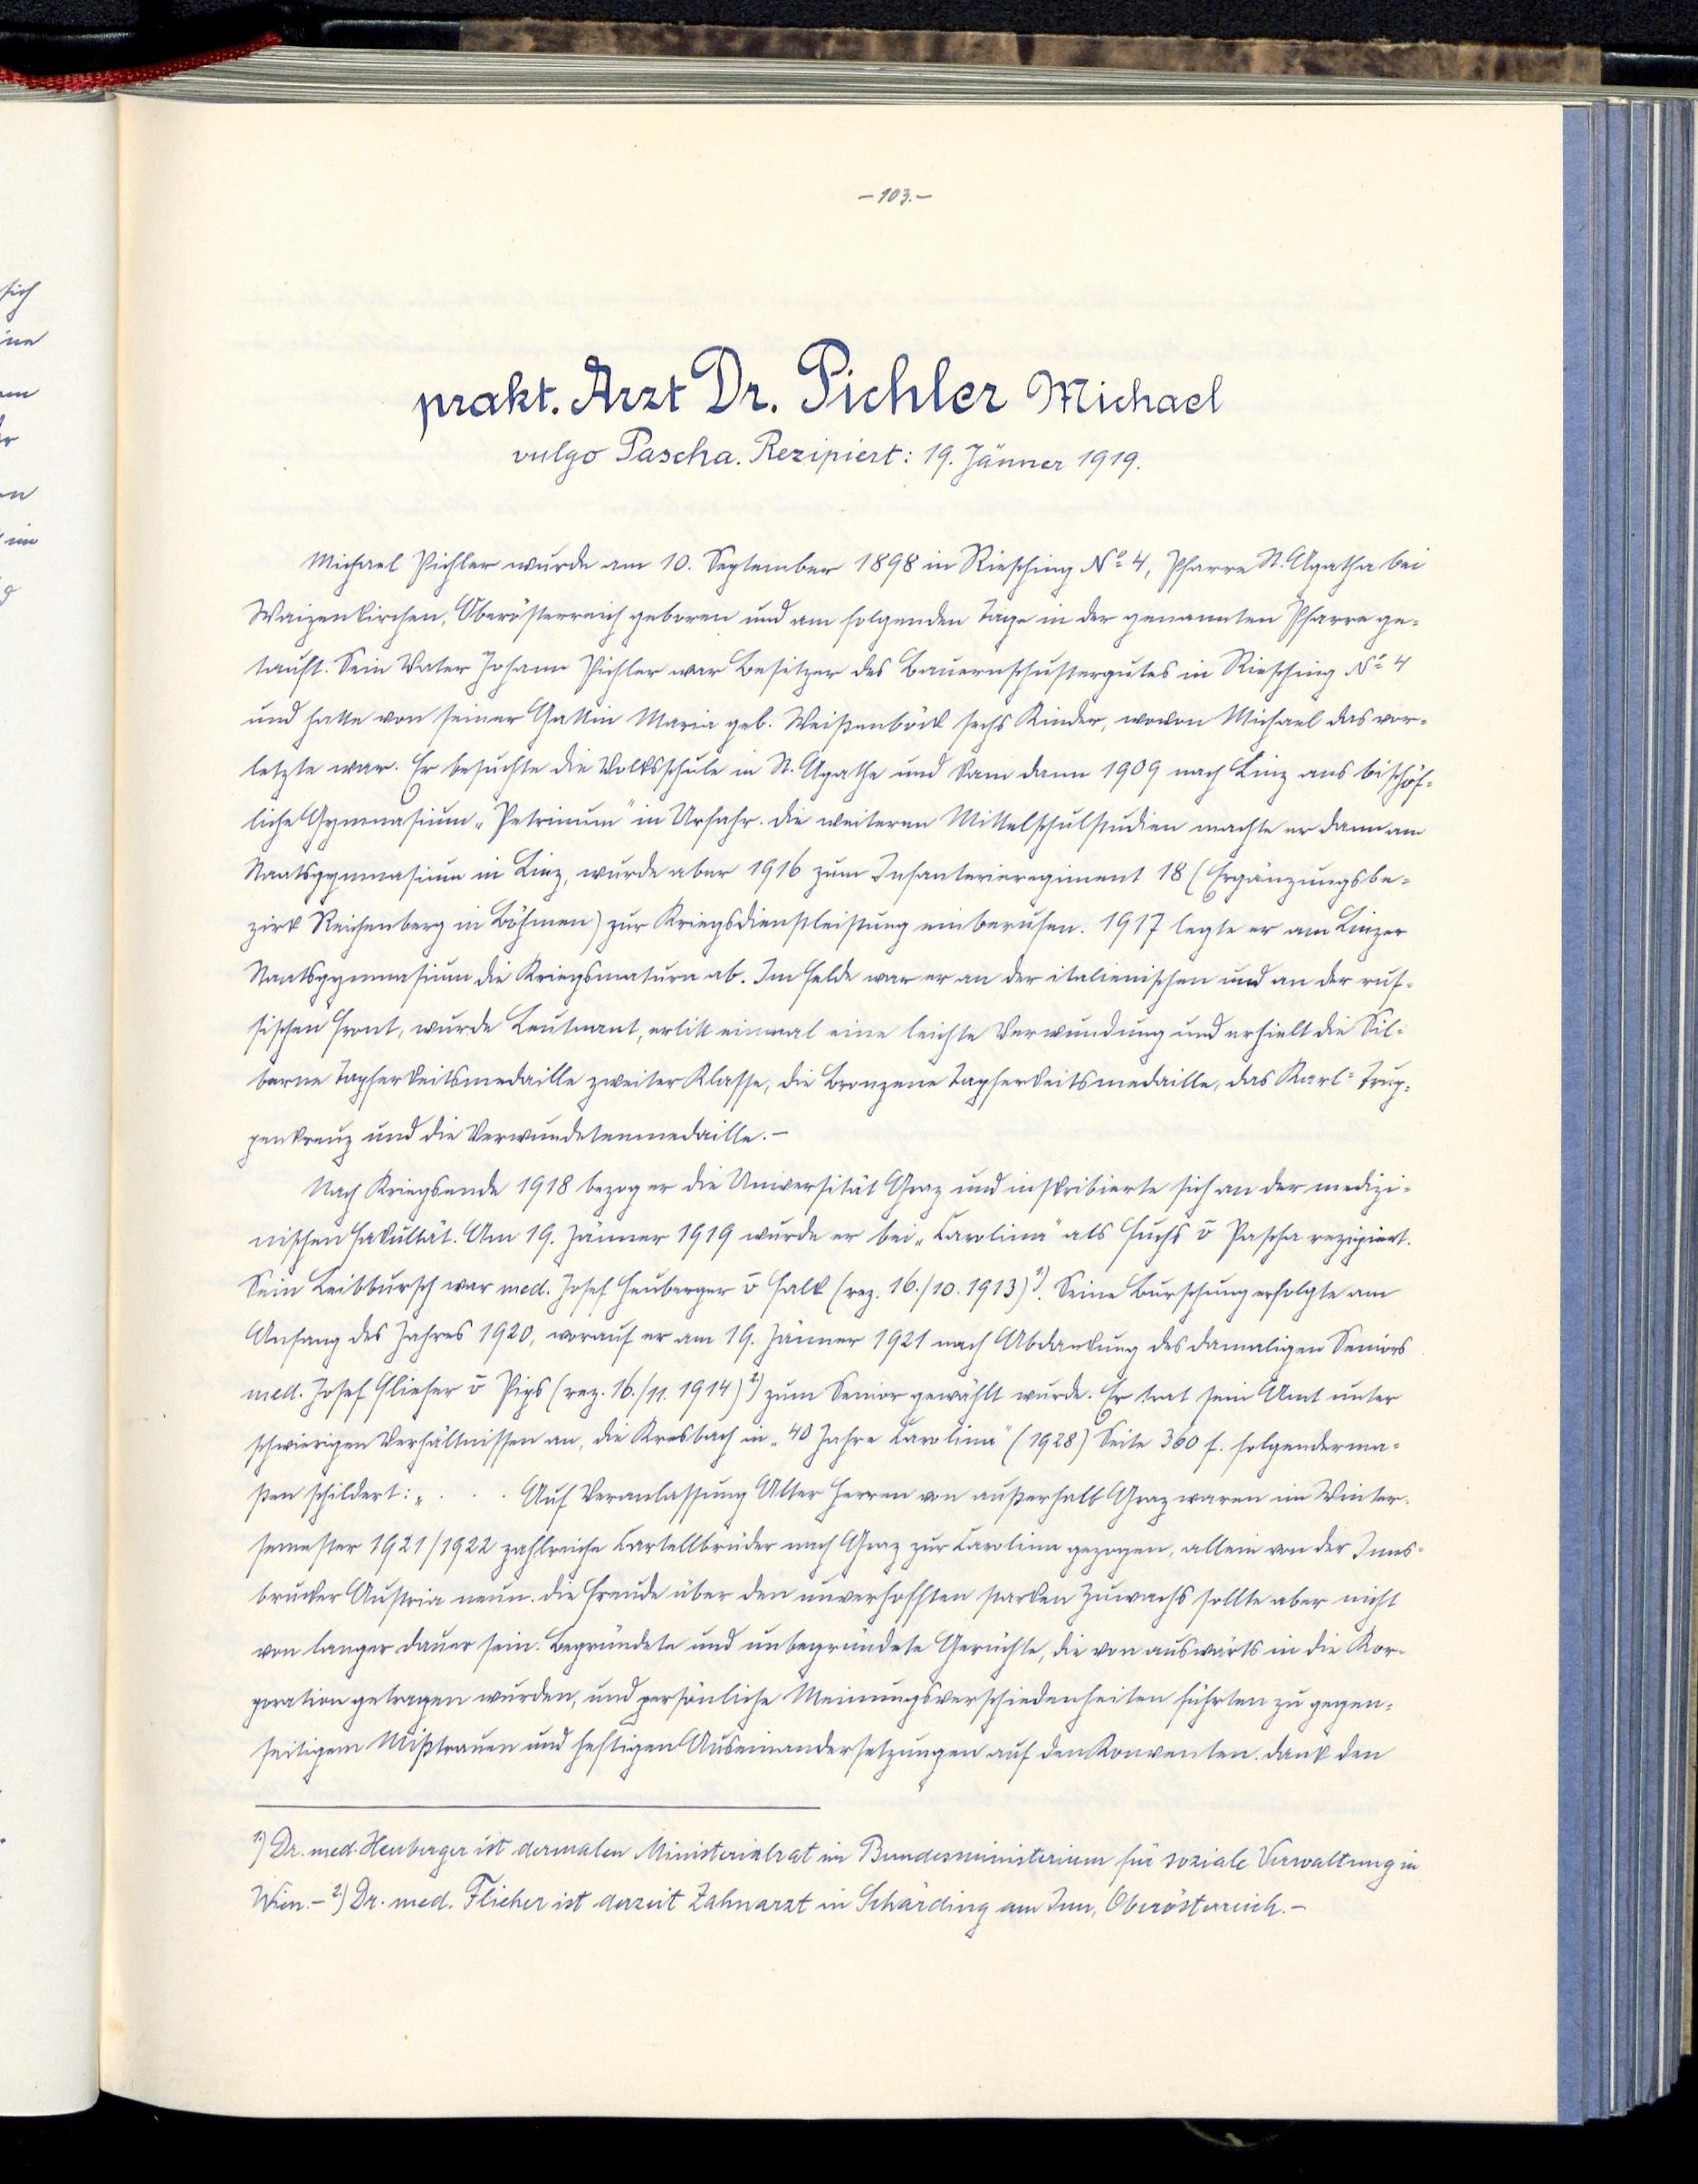103
prakt. Arzt Dr. Pichler Michael
vulgo Pascha. Rezipiert: 19. Jänner 1919.
Michael Richter wurde am 10. September 1898 in Riesching Nr 4, Pfarre St. Agatha bei
Waizenkirchen, Oberösterreich geboren und am folgenden Tage in der genannten Pfarre ge-
tauft. Sein Vater Johann Pichler war Besitzer des Bauernschustergutes in Riesching Nr 4
und hatte von seiner Gattin Maria geb. Weißenböck sechs Kinder, wovon Michael das vor-
letzte war. Er besuchte die Volksschule in St. Agathe und kam dann 1909 nach Linz ans bischöf-
liche Gymnasium Petrinum in Urfahr. Die weiteren Mittelschulstudien machte er dann am
Staatsgymnasium in Linz, wurde aber 1916 zum Infanterieregiment 18 (Ergänzungsbe-
zirk Reichenberg in Böhmen) zur Kriegsdienstleistung einberufen. 1917 legte er am Linzer
Staatsgymnasium die Kriegsmatura ab. Im Felde war er an der italienischen und an der rus-
sischen Front, wurde Leutnant, erlitt einmal eine leichte Verwundung und erhielt die Sil-
berne Tapferkeitsmedaille zweiter Klasse, die Bronzene Tapferkeitsmedaille, das Karl- Trup-
penkreuz und die Verwundetenmedaille.-
Nach Kriegsende 1918 bezog er die Universität Graz und inskribierte sich an der medzi-
nischen Fakultät. Am 19. Jänner 1919 wurde er bei "Carolina“ als Fuchs v/o Pascha rezipiert.
Sein Leibbursch war als. Josef Heuberger v/o Falk (rez 16./10. 1913) 1). Seine Burschung erfolgte am
Anfang des Jahres 1920, worauf er am 19. Jänner 1921 nach Abdankung des damaligen Seniors
med. Josef Flieher v/o Pips (rez. 16/1. 1914) 2) zum Senior gewählt wurde. Er trat sein Amt unter
schwierigen Verhältnissen an, die Kresbach in "40 Jahre Carolina" (1928) Seite 30 f. folgenderma-
ßen schilderte: Auf Veranlassung Alter Herrn von außerhalb Graz waren im Winter-
semester 1921 /1922 zahlreiche Cartellbrüder nach Graz zur Carolina gezogen, allein von der Inns-
brucker Austria neun. Die Freude über den unverhofften starken Zuwachs sollte aber nicht
von langer Dauer sein. Begründete und unbegründete Gerüchte, die von auswärts in die Kor-
poration getragen wurden, und persönliche Meinungsverschiedenheiten führte zu gegen-
seitigem Mißtrauen und heftigen Auseinandersetzungen auf den Konventen. Dank den
1.) Dr. und. Hauberger ist dermalen Ministerialrat im Bundesministerium für soziale Verwaltung im
Wien - 2.) Dr. med. Fischer ist derzeit Zahnarzt in Schärding am Inn, Oberösterreich.-